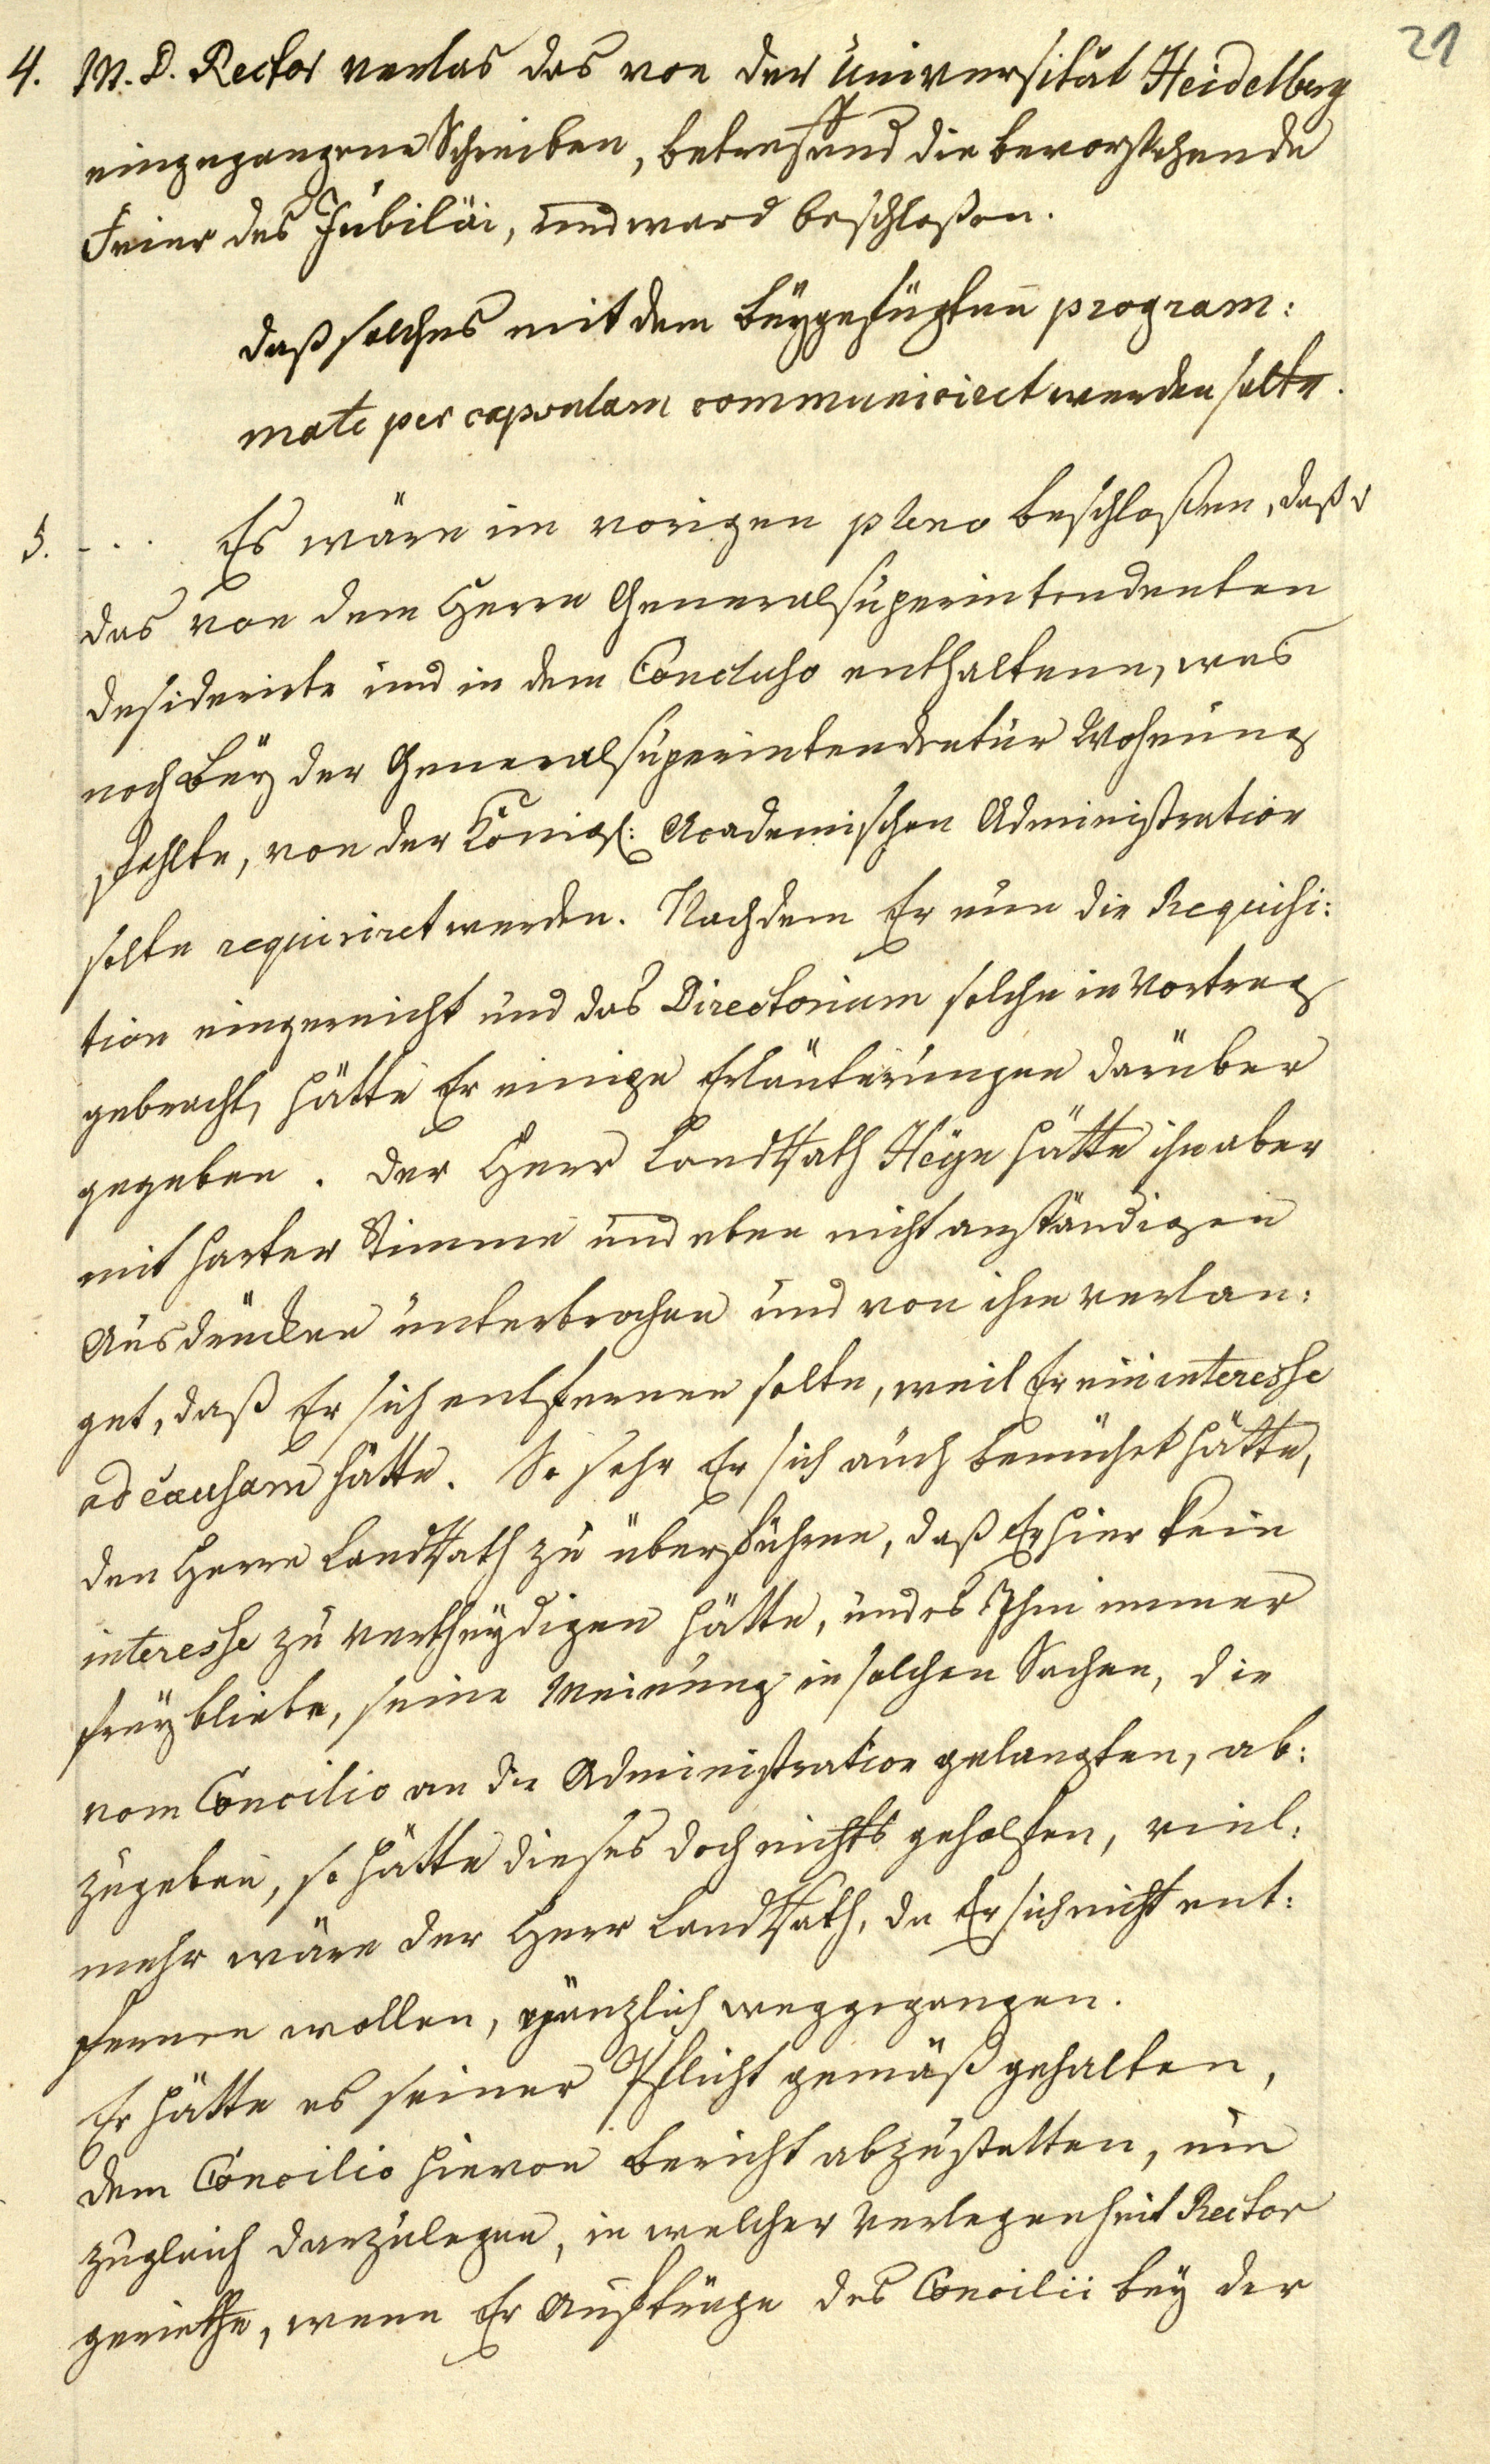4. M. D. Rector verlas das von der Universität Heidelberg
eingegangene Schreiben, betreffend die bevorstehende
Feier des Jubiläi, und ward beschloßen,
daß solches mit dem beÿgefügten program¬
mate per capsulam communiciret werden solte.
5. Es wäre im vorigen pleno beschloßen, daß
das von dem Herrn Generalsuperintendenten
desiderirte und in dem Concluso enthaltene, was
noch beÿ der Generalsuperintendenten Wohnung
fehlte, von der Königl. Academischen Administration
solte requiriret werden. Nachdem Er nun die Requisi¬
tion eingereicht und das Directorium solche in Vortrag
gebracht, hätte Er einige Erläuterungen darüber
gegeben. der Herr LandRath Heÿn hätte ihn aber
mit harter Stimme und eben nicht anständigen
Ausdrücken unterbrochen und von ihm verlan¬
get, daß Er sich entfernen solte, weil Er ein interesse
ad causam hätte. So sehr Er sich auch bemühet hätte,
den Herrn LandRath zu überführen, daß Er hier kein
interesse zu vertheidigen hätte, und es Ihm immer
freÿ bliebe, seine Meinung in solchen Sachen, die
vom Concilio an die Administration gelangten, ab¬
zugeben, so hätte dieses doch nichts geholfen, viel¬
mehr wäre der Herr LandRath, da Er sich nicht ent¬
fernen wollen, gänzlich weggegangen.
Er hätte es seiner Pflicht gemäß gehalten,
dem Concilio hievon Bericht abzustatten, um
zugleich darzulegen, in welcher Verlegenheit Rector
geriethe, wenn Er Aufträge des Concilii beÿ der